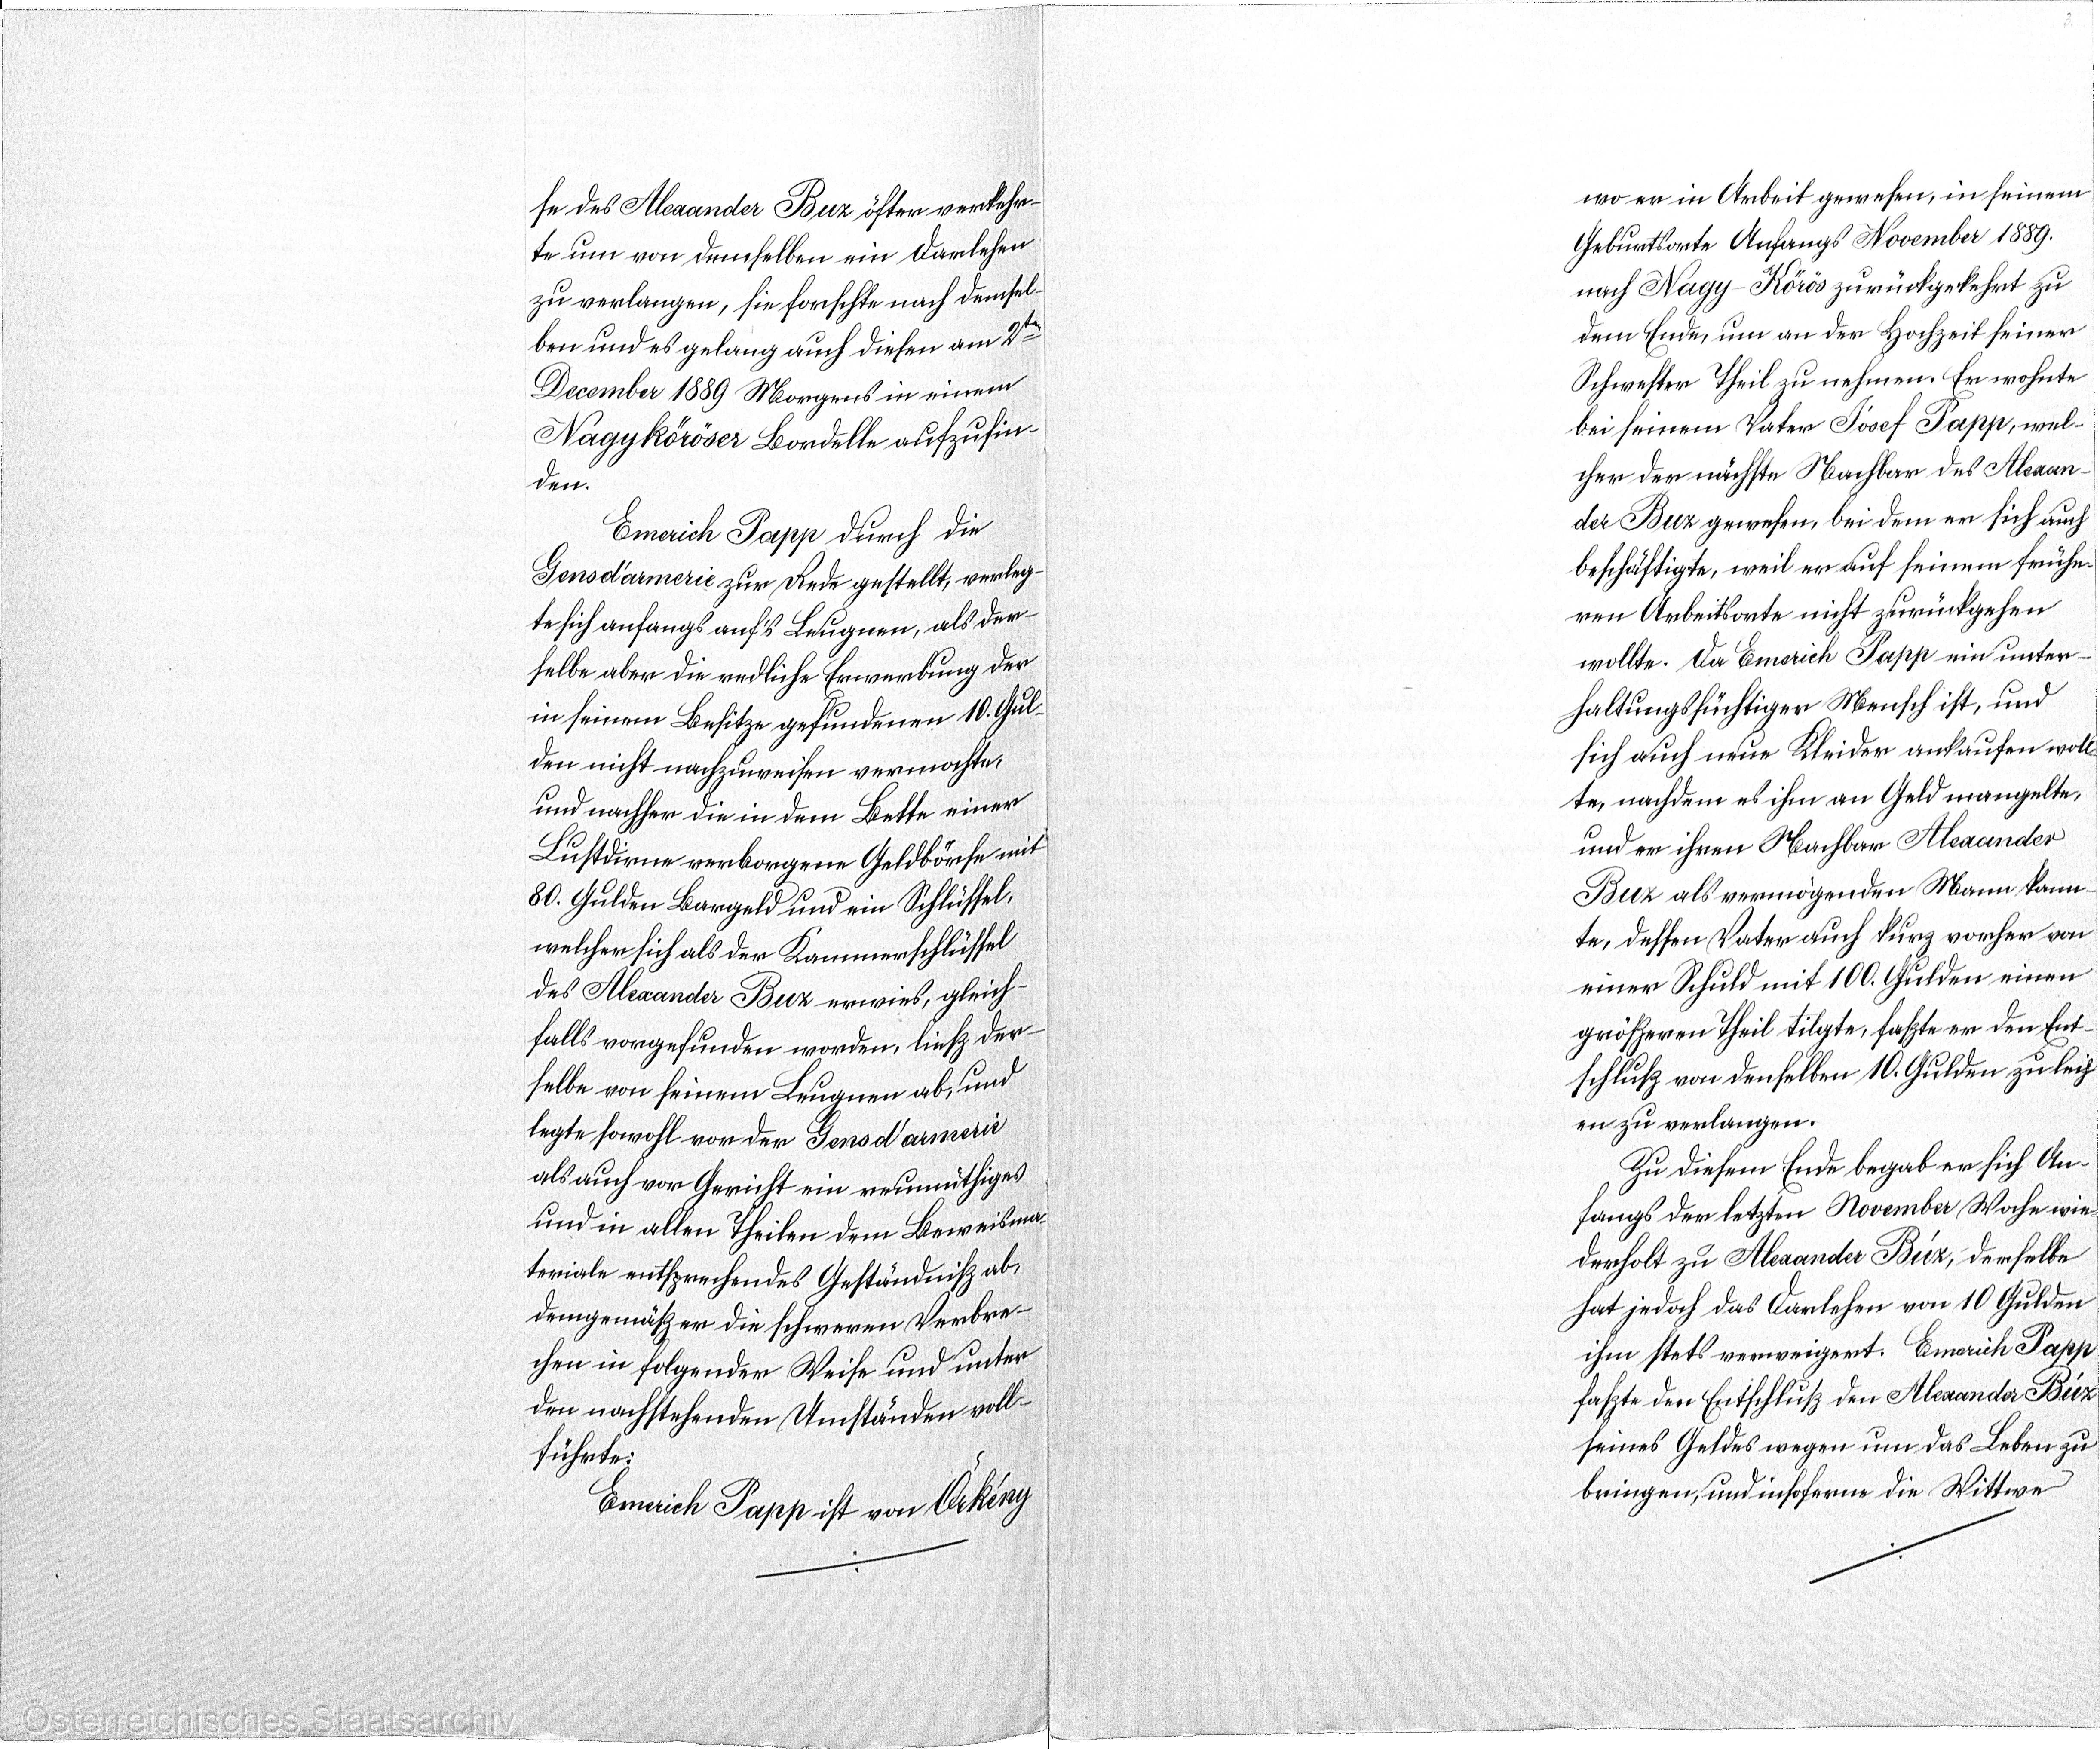se des Alexander Buz öfter verkehr¬
te um von demselben ein Darlehen
zu verlangen, sie forschte nach damsel¬
ben und es gelang auch diesen am 2ten
December 1889 Morgens in einem
Nagykőröser Bordelle aufzufin¬
den.
Emerich Papp durch die
Gens d’armerie zur Rede gestellt, verleg¬
te sich anfangs auf’s Leugnen, als der¬
selbe aber die endliche Erwerbung der
in seiner Besitze gefundenen 10 Gul¬
den nicht nachzuweisen vermochte,
und nachher die in dem Bette einer
Lustdirne verborgene Geldbörse mit
80 Gulden Bargeld und ein Schlüssel,
welcher sich als der Kammerschlüssel
des Alexander Buz erwies, gleich¬
falls vorgefunden worden, ließ der¬
selbe von seiner Leugnen ab, und
legte sowohl vor der Gens d’armerie
als auch vor Gericht ein reumüthiges
und in allen Theilen dem Beweisma¬
teriale entsprechendes Geständniß ab,
demgemäß er die schweren Verbre¬
chen in folgender Weise und unter
den nachstehenden Umständen voll¬
führte:
Emerich Papp ist von Orkény
wo er in Arbeit gewesen, in seinem
Geburtsorte Anfangs November 1889
nach Nagy-Kőrös zurückgekehrt zu
dem Ende um an der Hochzeit seiner
Schwester Theil zu nehmen. Er wohnte
bei seinem Vater Jósef Papp, wel¬
cher der nächste Nachbar des Alexan¬
der Buz gewesen, bei dem er sich auch
beschäftigte, weil er auf seinen frühe¬
ren Arbeitsorte nicht zurückgehen
wollte. Da Emerich Papp ein unter¬
haltungssüchtiger Mensch ist, und
sich auch neue Kleider ankaufen woll¬
te, nachdem es ihm an Geld mangelte,
und er ihren Nachbar Alexander
Buz als vermögenden Mann kann¬
te, dessen Vater auch kurz vorher an
einer Schuld mit 100 Gulden einen
größeren Theil tilgte, faßte er den Ent¬
schluß von denselben 10 Gulden zu leih¬
en zu verlangen.
Zu diesem Ende begab er sich An¬
fangs der letzten November Woche wie¬
derholt zu Alexander Búz, derselbe
hat jedoch das Darlehen von 10 Gulden
ihm stets verweigert. Emerich Papp
faßte den Entschluß den Alexander Búz
seines Geldes wegen um das Leben zu
bringen, und insoferne die Wittwe